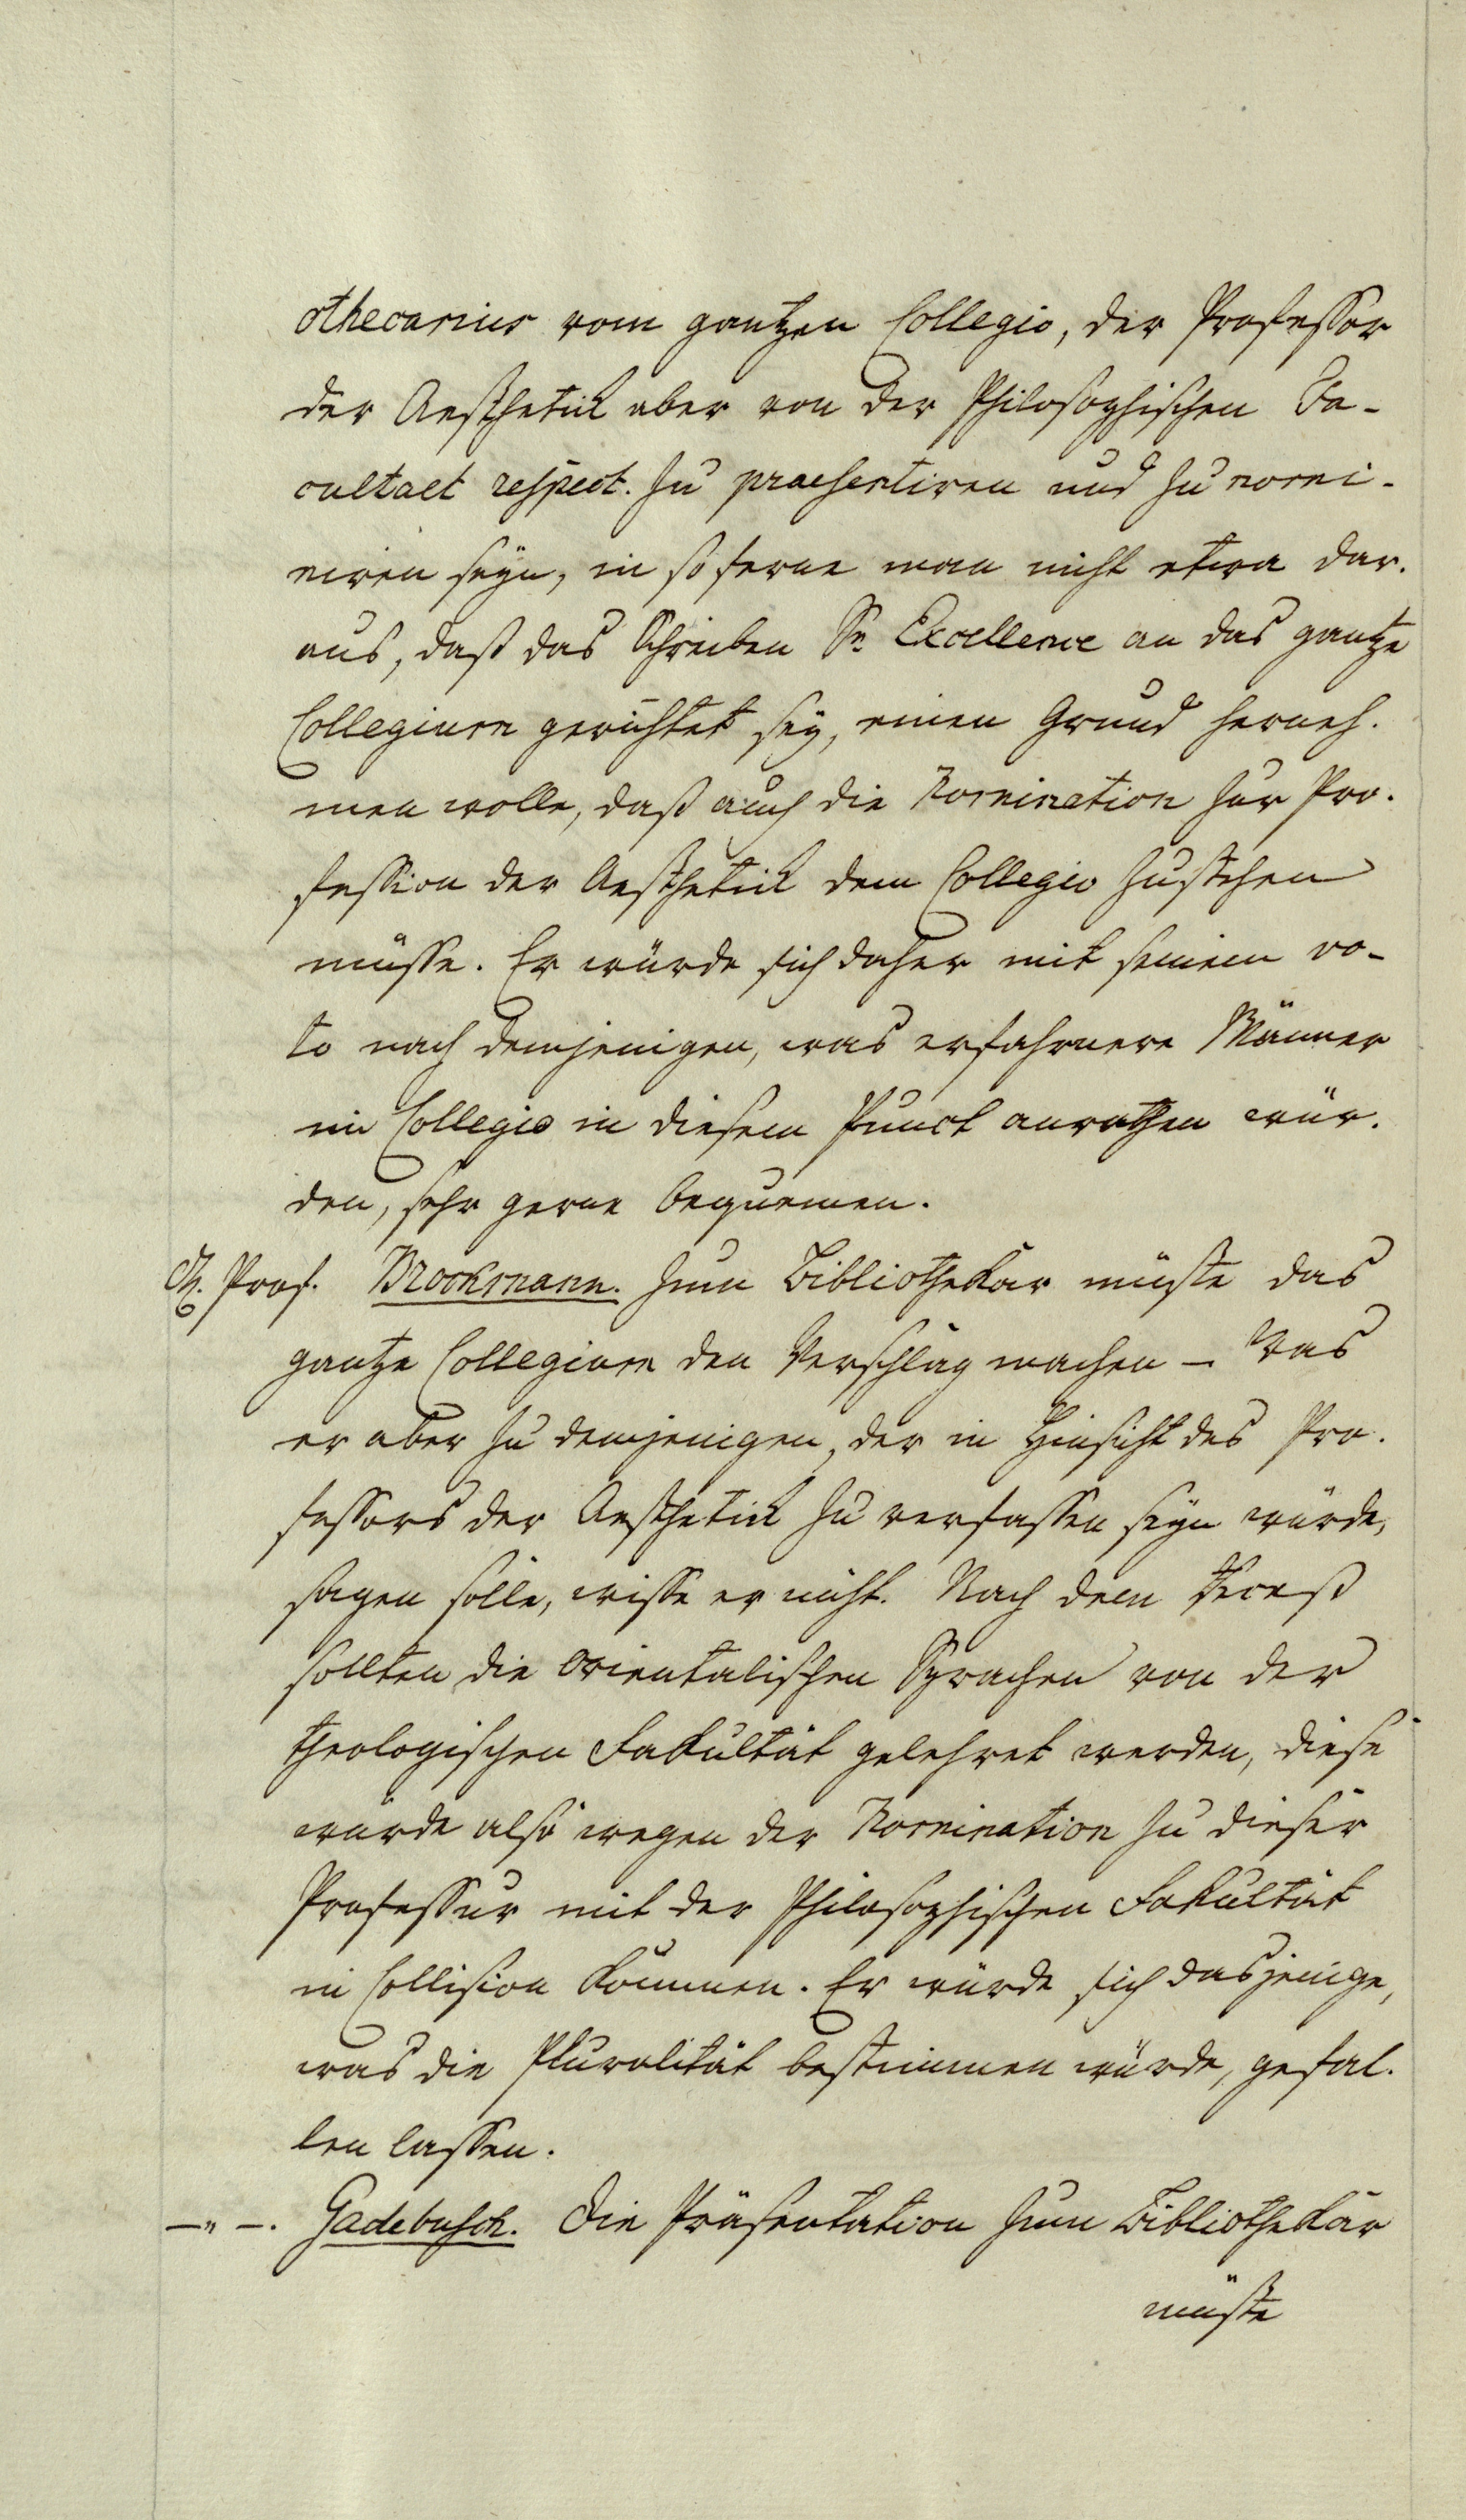othecarius vom gantzen Collegio, der Professor
der Aesthetik aber von der Philosophischen Fa¬
cultaet respect. zu praesentiren und zu nomi¬
niren seÿn, in so ferne man nicht etwa dar¬
aus, daß das Schreiben Sr. Excellence an das gantze
Collegium gerichtet seÿ, einen Grund herneh¬
men wolle, daß auch die Nomination zur Pro¬
fession der Aesthetik dem Collegio zustehen
müsse. Er würde sich daher mit seinem voto
nach demjenigen, was erfahrene Männer
im Collegio in diesem Punct anrathen wür¬
den, sehr gerne bequemen.
dh. Prof. Brockmann. Zum Bibliothekar müsste das
gantze Collegium den Vorschlag machen — Was
er aber zu demjenigen, der in Hinsicht des Pro¬
fessors der Aesthetik zu verfassen seÿn würde,
sagen solle, wisse er nicht. Nach dem Receß
sollten die orientalischen Sprachen von der
theologischen Fakultät gelehret werden, diese
würde also wegen der Nomination zu dieser
Professur mit der Philosophischen Fakultät
in Collision kommen. Er würde sich dasjenige,
was die Pluralität bestimmen würde, gefal¬
len lassen.
— " — . Gadebusch. Die Präsentation zum Bibliothekar
müsste